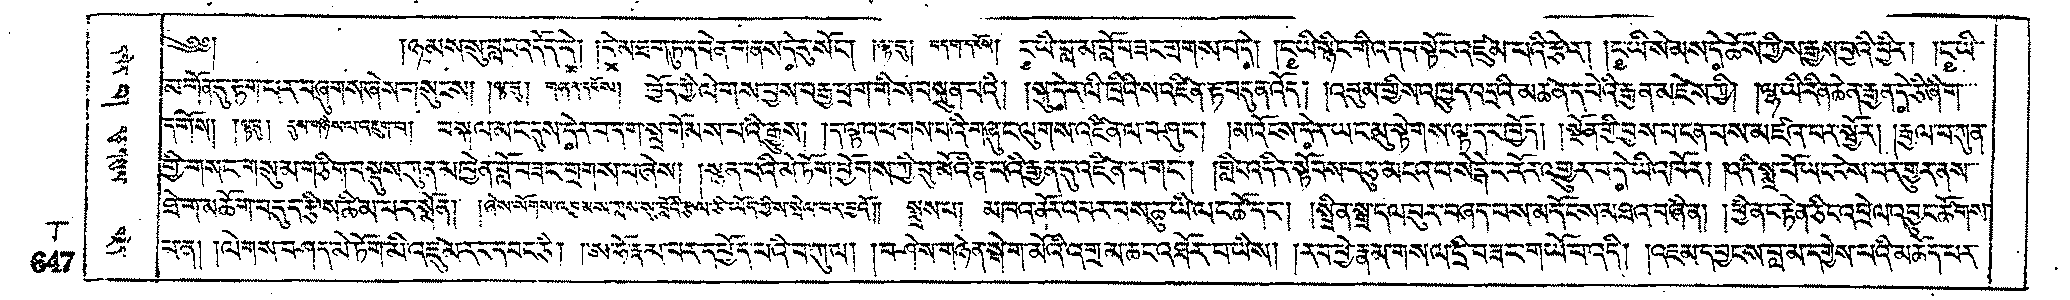༄༅། །ཉམས་སུ་བླང་འདོད་དེ྾། །དེ྾་མ་ཐག་ཏུ་དབེན་གནས་དེ྾་རུ་སོང་། །ལྟ་བུ། བདག་དངོས།  ང་ཡི་བླ་མ་བློ་བཟང་གྲགས་པ་དེ྾། །ང་ཡི་སྙིང་གི་འདབ་སྟོང་འཛུམ་པའི་རྩེར། །ང་ཡི་སེམས་དེ྾་ཆོས་ཀྱིས་རྒྱས་བྱའི་ཕྱིར། །ང་ཡི་
མགོན་དུ་རྟག་པར་བཞུགས་ཞེས་གསུངས། །ལྟ་བུ། གཞན་དངོས།  ཁྱོད་ཀྱི་ལེགས་བྱས་བརྒྱ་ཕྲག་གིས་བསྐྲུན་པའི། །སྐུ྾་དེར་ལི་ཁྲིའི་ས་འཛིན་རྟ་བདུན་འོད། །འབུམ་གྱིས་འཁྱུད་འདྲའི་མཚན་དཔེའི་རྒྱན་མཛེས་ཀྱི། །ལྷ་ཡི་རིན་ཆེན་རྒྱན་དེ྾་ཅི་ཞིག་་་
དགོས། །ལྟ་བུ། དུས་གཉིས་ལ་འཇུག་པ།  བསྐལ་མང་དུས་དེར྾་བདག་སྨྲ་གོམས་པའི་རྒྱུས། །ད་ལྟ་འཕགས་པའི་གཞུང་ལུགས་འཛིན་ལ་བཤུང་། །མ་འོངས་དེར྾་ཡང་མུ་སྟེགས་ལྟ་དང་ཁྱོད། །སྔོན་གྱི་བྱས་པ་ངན་པས་མཛའ་བར་སྦྱོར། །རྒྱལ་བ་ཀུན་
གྱི་གསང་གསུམ་གཅིག་བསྡུས་ཀུན་མཁྱེན་བློ་བཟང་གྲགས་པ་ཞེས། །སྙན་པའི་མེ་ཏོག་ཕྱོགས་ཀྱི་བུ་མོའི་རྣ་བའི་རྒྱན་དུ་འཛིན་པ་གང་། །གླིང་འདིར་སྟོབས་བཅུ་མངའ་བ་སེངྒེ་ང་རོར་འགྱུར་བ་དེ྾་ཡི་འཁོར། །འདི་སྨྲ་པོ་ཡང་ངེས་པར་གྱུར་ནས་
ཐེག་མཆོག་བདུད་རྩིས་ཚིམ་པར་སྨོན། །ཞེས་སོགས་འབྱམས་ཀླས་སུ་བློའི་རྩལ་ཅི་ཡོད་ཀྱིས་སྤེལ་བར་བྱའོ།།  སྨྲས་པ། མཁའ་ནོར་འྤར་བས་ཆུ་ཡི་ལང་ཚོ་དང་། །སྤྲིན་སྒྲ་དལ་བུར་བཞད་པས་མདོངས་མཐའ་བཞིན། །ཕྱི་ནང་རྟེན་ཅིང་འབྲེལ་འབྱུང་ཚོགས་
པ་ན། །ལེགས་བཤད་མེ་ཏོག་མི་འཛུམ་རང་དབང་ཅི། །ཨ་ཧོ་རྣམ་པར་དཔྱོད་པའི་བ་ཀུ་ལ། །བཤེས་གཉེན་སྒེག་མོའི་འགྲམ་ཆང་འཐོར་བ་ཡིས། །རབ་ཕྱེ་རྣམ་གསལ་དྲི་བཟང་གཡོ་བ་འདི། །འཇམ་དབྱངས་བླ་མ་དགྱེས་པའི་མཆོད་པར་